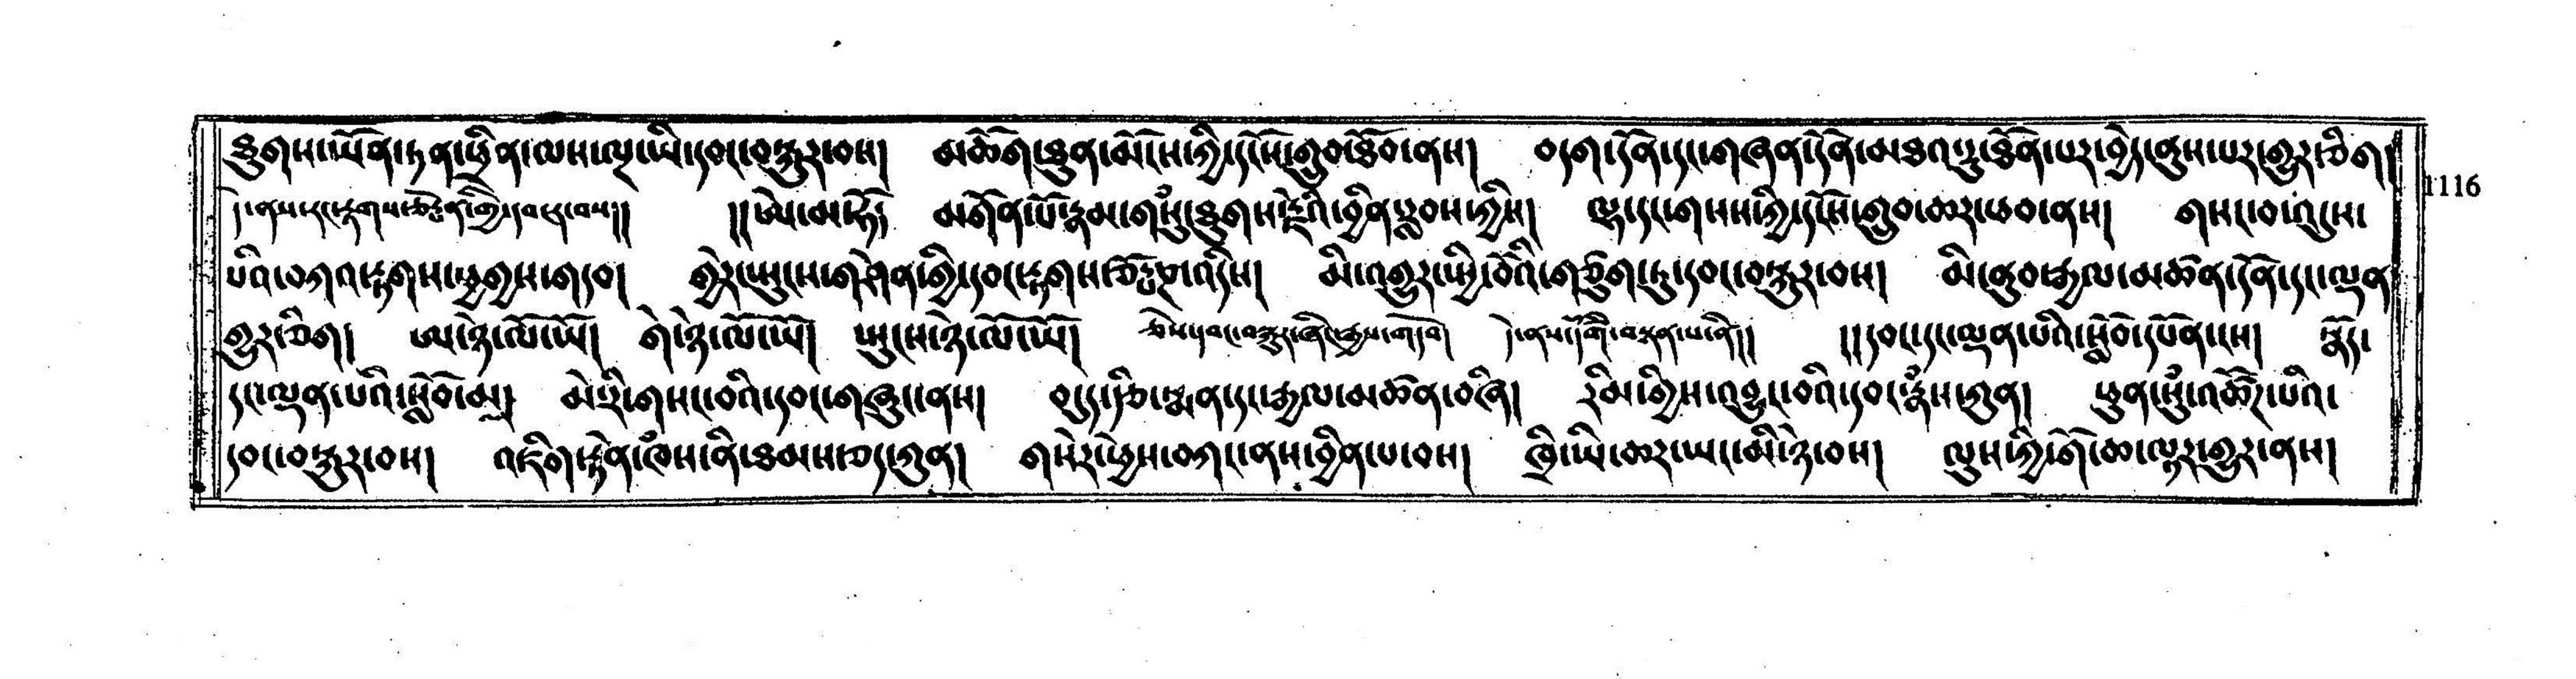ཐུགས་ཡོན་ཏན་ཕྲིན་ལས་ལྔ་ཡི་དབང་བསྐུར་བས། མཆོག་ཐུན་མོངས་ཀྱི་དངོས་གྲུབ་ཐོབ་ནས། བདག་དོན་དང་གཞན་དོན་མཐའ་རུ་ཐོན་པར་བྱེད་ནུས་པར་གྱུར་ཅིག 
དེ་ནས་རང་རྟགས་ཅོདྤན་གྱི་དབང་བསྐུར་བས།། །།ཨེ་མ་ཧོ། མགོན་པོ་རྣམ་གསུམ་ཐུགས་རྗེའི་བྱིན་རླབས་ཀྱིས། ལྷ་དང་གསས་ཀྱི་དངོས་གྲུབ་ཆར་ཕབ་ནས། གསང་བ་འདུས་
པའི་བཀའ་རྟགས་ཕྱག་རྒྱས་གདབ། གྱེར་སྤུངས་གཤེན་གྱི་དབང་རྟགས་ཅོདྤཎ་འདིས། མི་འགྱུར་སྤྱི་བོའི་གཙུག་ཏུ་དབང་བསྐུར་བས། མི་ནུབ་རྒྱལ་མཚན་དོན་དང་ལྡན་
གྱུར་ཅིག །ཨ་ཉེ་ལོ་ཡོ། གེ་ཉེ་ལོ་ཡོ། སྤུངས་ཉེ་ལོ་ཡོ། ཅེས་དབང་བསྐུར་ཞིང་རྒྱས་གདབ་བོ། དེ་ནས་དམ་ཚིག་བསྟན་པ་ནི།། །།དབང་དང་ལྡན་པའི་སློབ་དཔོན་ངས། སྣོད་
དང་ལྡན་པའི་སློབ་མ་ལ། མེ་རི་གསང་བའི་དབང་གཞུང་{1137}ནས། བདུད་རྩི་སྨན་དང་རྒྱལ་མཚན་བཞི། རིམ་གྱིས་འབྱུང་བའི་དབང་རྣམས་ཀུན། ཕུན་སུམ་འཚོགས་པའི་
དབང་བསྐུར་བས། འཇིག་རྟེན་ཁམས་ནི་ཐམས་ཅད་ཀུན། གསེར་ཕྱེས་བཀང་ནས་བྱིན་པ་བས། ཁྲི་ཡི་ཆར་ཡང་མི་ཉེ་བས། ལུས་ཀྱི་གོ་ཆ་ལྟར་གྱུར་ནས།